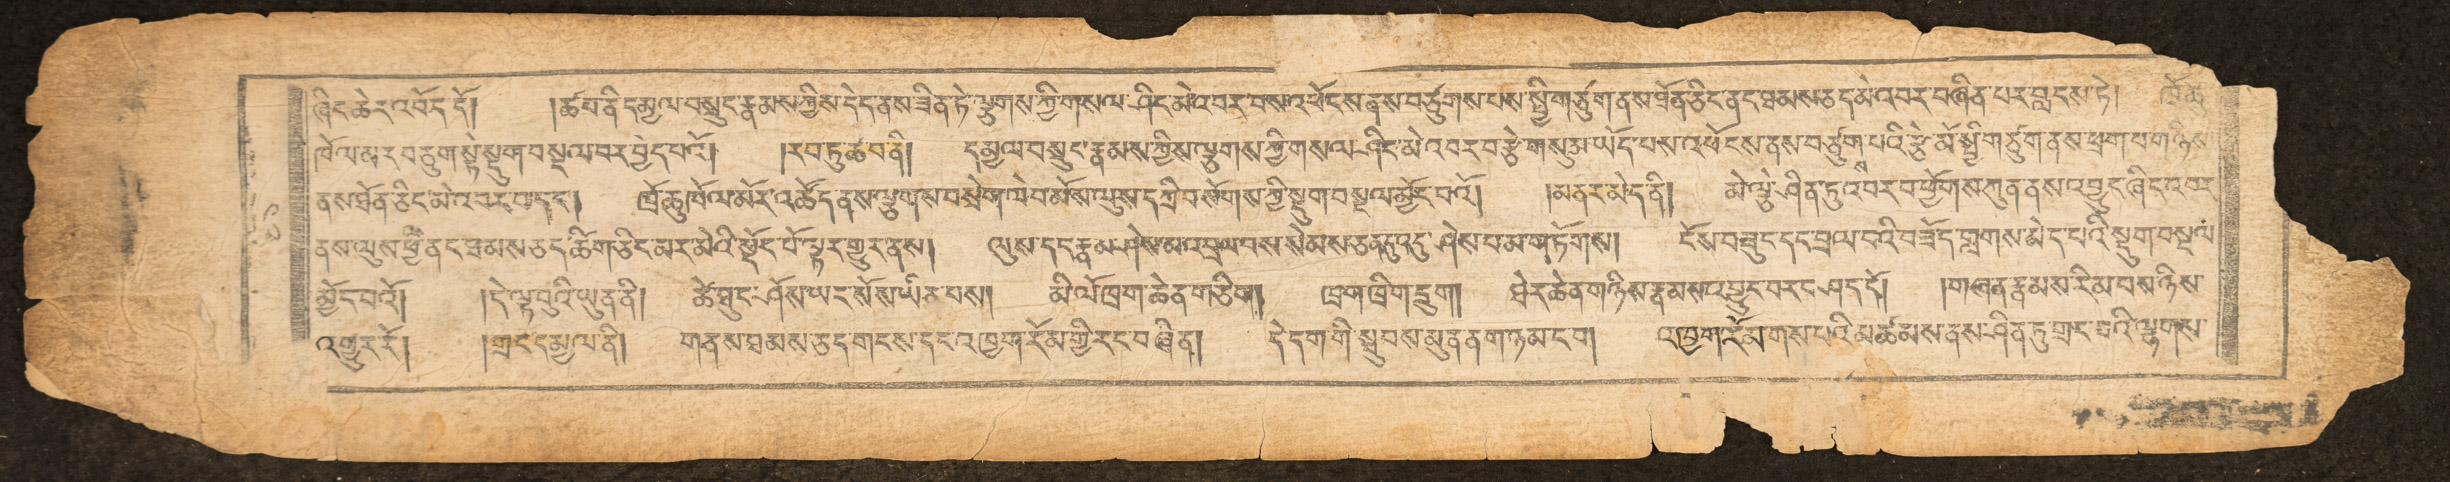ཞིང་ཆེར་འབོད་དོ། །ཚ་བ་ནི་དམྱལ་བསྲུང་རྣམས་ཀྱིས་དེད་ནས་ཟིན་ཏེ་ལྕགས་ཀྱི་གསལ་ཤིང་མེ་འབར་བས་འཕོངས་ནས་བཙུགས་པས་སྤྱི་གཙུག་ནས་ཐོན་ཅིང་ནང་ཐམས་ཅད་མེ་འབར་བཞིན་བར་བླངས་ཏེ། ཁྲོ་ཆུ་
ཁོལ་མར་བཅུག་སྟེ་སྡུག་བསྔལ་བར་བྱེད་པའོ། །རབ་ཏུ་ཚ་བ་ནི། དམྱལ་བསྲུང་རྣམས་ཀྱིས་ལྕགས་ཀྱི་གསལ་ཤིང་མེ་འབར་བ་རྩེ་གསུམ་ཡོད་པས་འཕོངས་ནས་བཙུགས་པའི་རྩེ་མོ་སྤྱི་གཙུག་ནས་ཕྲག་པ་གཉིས་
ནས་ཐོན་ཅིང་མེ་འབར་བ་དང་། ཁྲོ་ཆུ་ཁོལ་མོར་འཚོད་ནས་ལྕགས་བསྲེག་ལེབ་མོས་ལུས་དཀྲི་བ་སོགས་ཀྱི་སྡུག་བསྔལ་མྱོང་བའོ། །མནར་མེད་ནི། མེ་ལྕེ་ཤིན་ཏུ་འབར་བ་ཕྱོགས་ཀུན་ནས་འབྱུང་ཞིང་འབར་
ནས་ལུས་ཕྱི་ནང་ཐམས་ཅད་ཚིག་ཅིང་མར་མེའི་སྡོང་པོ་ལྟར་གྱུར་ནས། ལུས་དང་རྣམ་ཤེས་མ་འབྲལ་བས་སེམས་ཅན་དུ་འདུ་ཤེས་པ་མ་གཏོགས། ངོས་བཟུང་དང་བྲལ་བའི་བཟོད་གླགས་མེད་པའི་སྡུག་བསྔལ་
མྱོང་བའོ། །དེ་ལྟ་བུའི་ཡུན་ནི། ཚེ་ཐུང་ཤོས་ཡང་སོས་ཡིན་པས། མི་ལོ་ཁྲག་ཆེན་གཅིག། ཁྲག་ཁྲིག་དྲུག། ཐེར་ཆེན་གཉིས་ནས་འབྱུང་བར་བཤད་དོ། །གཞན་རྣམས་རིམ་པས་ཉིས་
འགྱུར་རོ། །གྲང་དམྱལ་ནི། གནས་ཐམས་ཅད་གངས་དང་འཁྱག་རོམ་གྱི་རང་བཞིན། དེ་དག་གི་སྤུབས་མུན་ནག་ཉམ་ང་བ། འཁྱག་རོམ་གས་པའི་མཚམས་ནས་ཤིན་ཏུ་གྲང་བའི་ལྷགས་